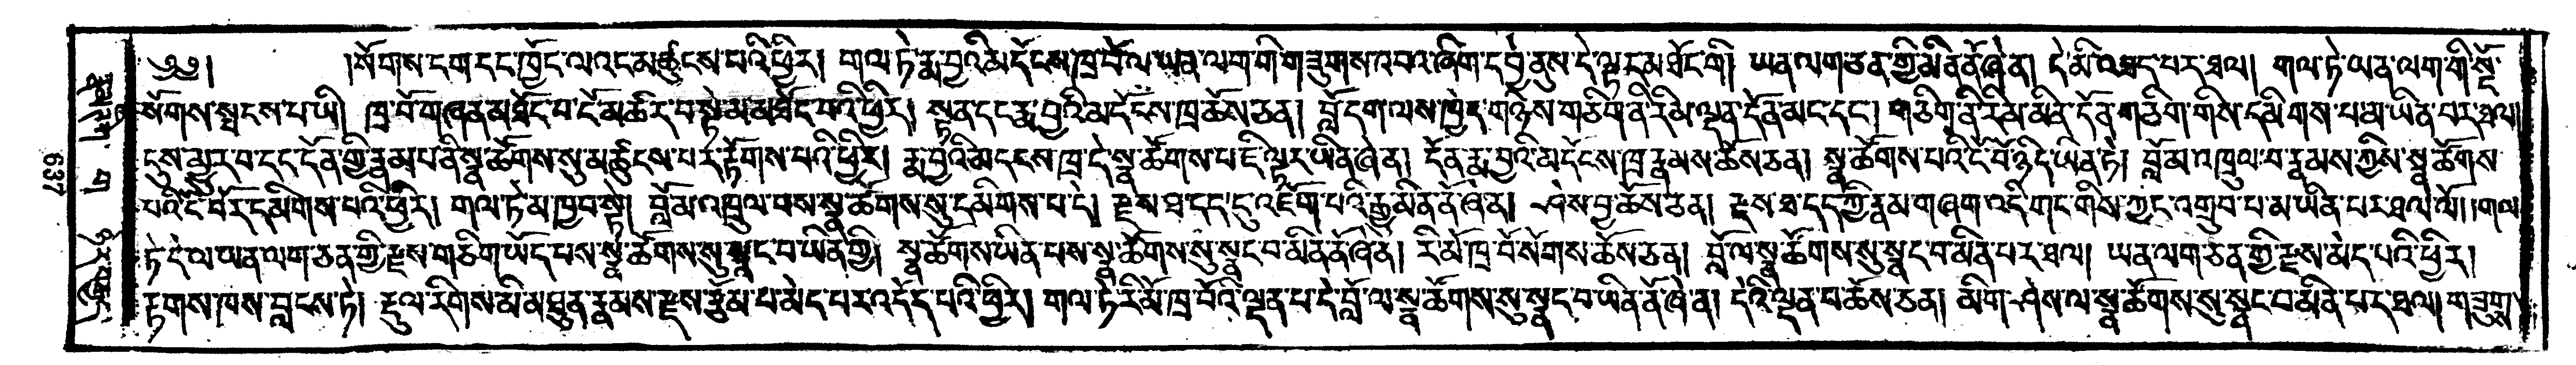༄༅། །སོགས་ངག་དང་ཁྱོད་ལའང་མཚུངས་པའི་ཕྱིར། གལ་ཏེ་རྨ་བྱའི་མདོངས་ཁྲ་བོ་ལ་ཡན་ལག་གི་གཟུགས་འབའ་ཞིག་དབྱེ་ནུས་དེ་ལྟར་མཐོང་གི། ཡན་ལག་ཅན་གྱི་མིན་ནོ་ཞེ་ན། དེ་མི་འཐད་པར་ཐལ། གལ་ཏེ་ཡན་ལག་གི་སྔོ་
སོགས་སྤངས་པ་ཡི། ཁྲ་བོ་གཞན་མཐོང་བ་ངོ་མཚར་བ་སྟེ་མཐོང་བའི་ཕྱིར། སྟན་དང་རྨ་བྱའི་མདོངས་ཁྲ་ཆོས་ཅན། བློ་དག་ལས་ཁྱེད་གཉིས་གཅིག་ནི་རིམ་ལྡན་དོན་མང་དང་། གཅིག་ནི་རིམ་མིན་དོན་གཅིག་གིས་དམིགས་པ་མ་ཡིན་པར་ཐལ་
དུས་མྱུར་བ་དང་དོན་གྱི་རྣམ་པ་ནི་སྣ་ཚོགས་སུ་མཚུངས་པར་རྟོགས་པའི་ཕྱིར། རྨ་བྱའི་མདངས་ཁྲ་དེ་སྣ་ཚོགས་པ་ཇི་ལྟར་ཡིན་ཞེ་ན། དོན་རྨ་བྱའི་མདོངས་ཁྲ་རྣམས་ཆོས་ཅན། སྣ་ཚོགས་པའི་ངོ་བོ་ཉིད་ཡིན་ཏེ། བློ་མ་འཁྲུལ་བ་རྣམས་ཀྱིས་སྣ་ཚོགས་
པའི་ངོ་བོར་དམིགས་པའི་ཕྱིར། གལ་ཏེ་མ་ཁྱབ་སྟེ། བློ་མ་འཁྲུལ་བས་སྣ་ཚོགས་སུ་དམིགས་པ་དེ། རྫས་ཐ་དད་དུ་འཇོག་པའི་རྒྱུ་མིན་ནོ་ཞེ་ན། ཤེས་བྱ་ཆོས་ཅན། རྫས་ཐ་དད་ཀྱི་རྣམ་གཞག་འདི་གང་གིས་ཀྱང་འགྲུབ་པ་མ་ཡིན་པར་ཐལ་ལོ། །གལ་
ཏེ་དེ་ལ་ཡན་ལག་ཅན་གྱི་རྫས་གཅིག་ཡོད་པས་སྣ་ཚོགས་སུ་སྣང་བ་ཡིན་གྱི། སྣ་ཚོགས་ཡིན་པས་སྣ་ཚོགས་སུ་སྣང་བ་མིན་ནོ་ཞེ་ན། རི་མོ་ཁྲ་བོ་སོགས་ཆོས་ཅན། བློ་ལ་སྣ་ཚོགས་སུ་སྣང་བ་མིན་པར་ཐལ། ཡན་ལག་ཅན་གྱི་རྫས་མེད་པའི་ཕྱིར།
རྟགས་ཁས་བླངས་ཏེ། རྡུལ་རིགས་མི་མཐུན་རྣམས་རྫས་རྩོམ་པ་མེད་པར་འདོད་པའི་ཕྱིར། གལ་ཏེ་རི་མོ་ཁྲ་པོའི་ལྡན་པ་དེ་བློ་ལ་སྣ་ཚོགས་སུ་སྣང་བ་ཡིན་ནོ་ཞེ་ན། དེའི་ལྡན་པ་ཆོས་ཅན། མིག་ཤེས་ལ་སྣ་ཚོགས་སུ་སྣང་བ་མིན་པར་ཐལ། གཟུགས་